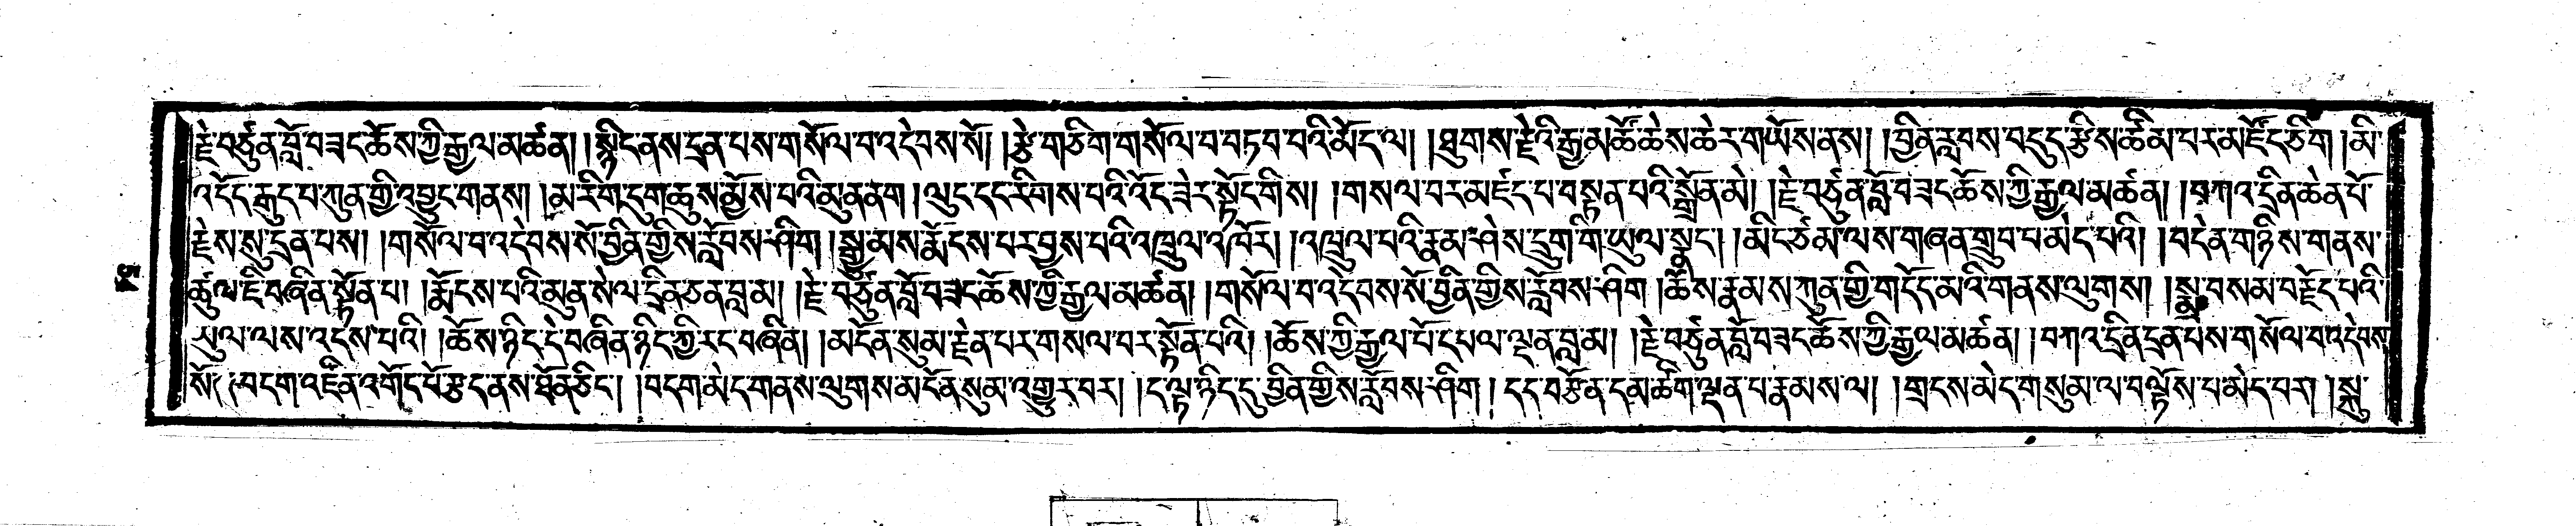རྗེ་བཙུན་བློ་བཟང་ཆོས་ཀྱི་རྒྱལ་མཚན། །སྙིང་ནས་དྲན་པས་གསོལ་བ་འདེབས་སོ། །རྩེ་གཅིག་གསོལ་བ་བཏབ་པའི་མོད་ལ། །ཐུགས་རྗེའི་རྒྱ་མཚོ་ཆེས་ཆེར་གཡོས་ནས། །བྱིན་རླབས་བདུད་རྩིས་ཚིམ་པར་མཛོད་ཅིག །མི་
འདོད་རྒུད་པ་ཀུན་གྱི་འབྱུང་གནས། །མ་རིག་དུག་ཆུས་མྱོས་པའི་མུན་ནག །ལུང་དང་རིགས་པའི་འོད་ཟེར་སྟོང་གིས། །གསལ་བར་མཛད་པ་བསྟན་པའི་སྒྲོན་མེ། །རྗེ་བཙུན་བློ་བཟང་ཆོས་ཀྱི་རྒྱལ་མཚན། །བཀའ་དྲིན་ཆེན་པོ་
རྗེས་སུ་དྲན་པས། །གསོལ་བ་འདེབས་སོ་བྱིན་གྱིས་རློབས་ཤིག །སྒྱུ་མས་རྨོངས་པར་བྱས་པའི་འཁྲུལ་འཁོར། །འཁྲུལ་བའི་རྣམ་ཤེས་དྲུག་གི་ཡུལ་སྣང་། །མིང་ཙམ་ལས་གཞན་གྲུབ་པ་མེད་པའི། །བདེན་གཉིས་གནས་
ཚུལ་ཇི་བཞིན་སྟོན་པ། །རྨོངས་པའི་མུན་སེལ་དྲིན་ཅན་བླ་མ། །རྗེ་བཙུན་བློ་བཟང་ཆོས་ཀྱི་རྒྱལ་མཚན། །གསོལ་བ་འདེབས་སོ་བྱིན་གྱིས་རློབས་ཤིག །ཆོས་རྣམས་ཀུན་གྱི་གདོད་མའི་གནས་ལུགས། །སྨྲ་བསམ་བརྗོད་པའི་
ཡུལ་ལས་འདས་པའི། །ཆོས་ཉིད་དེ་བཞིན་ཉིད་ཀྱི་རང་བཞིན། །མངོན་སུམ་རྗེན་པར་གསལ་བར་སྟོན་པའི། །ཆོས་ཀྱི་རྒྱལ་པོ་དཔལ་ལྡན་བླ་མ། །རྗེ་བཙུན་བློ་བཟང་ཆོས་ཀྱི་རྒྱལ་མཚན། །བཀའ་དྲིན་དྲན་པས་གསོལ་བ་འདེབས་
སོ། །བདག་འཛིན་འགོང་པོ་རྩད་ནས་ཐོན་ཅིང་། །བདག་མེད་གནས་ལུགས་མངོན་སུམ་འགྱུར་བར། །ད་ལྟ་ཉིད་དུ་བྱིན་གྱིས་རློབས་ཤིག །དད་བརྩོན་དམ་ཚིག་ལྡན་པ་རྣམས་ལ། །གྲངས་མེད་གསུམ་ལ་བལྟོས་པ་མེད་པར། །སྐུ་